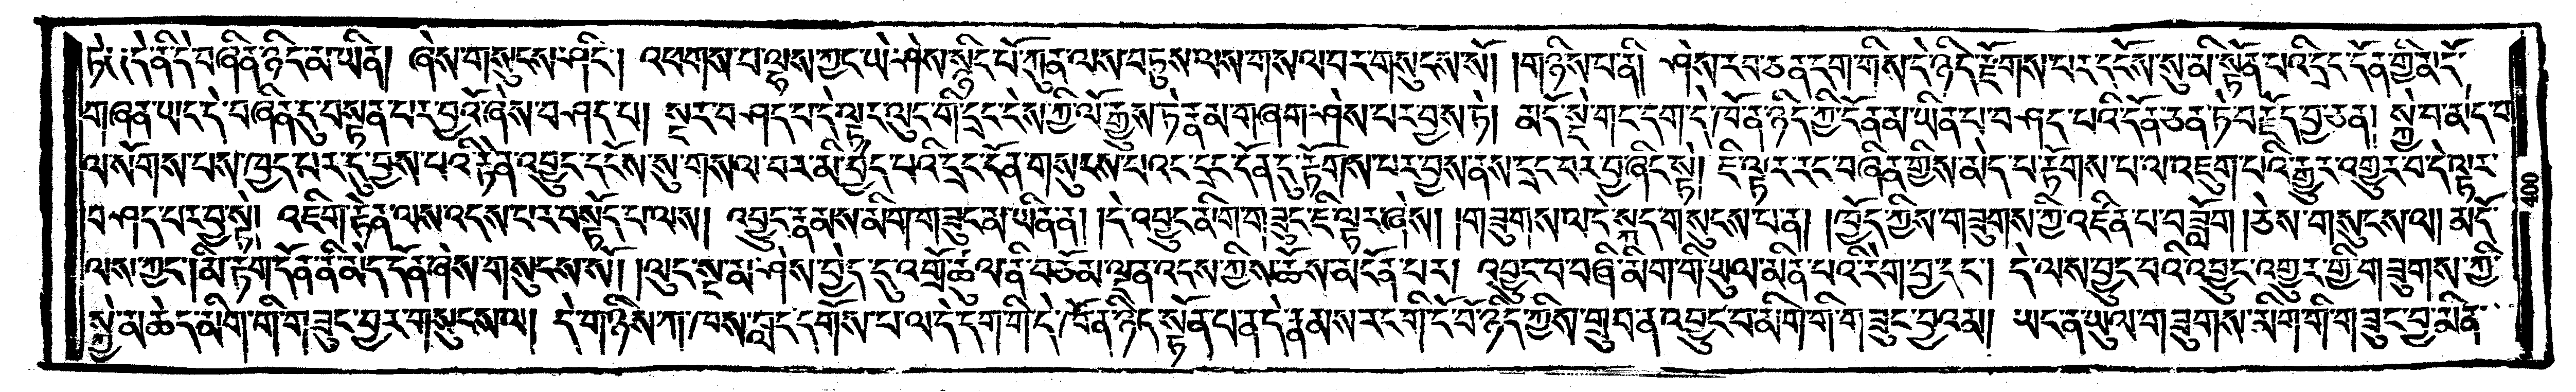ཏེ༑ ༑དེ་ནི་དེ་བཞིན་ཉིད་མ་ཡིན། ཞེས་གསུངས་ཤིང་། འཕགས་པ་ལྷས་ཀྱང་ཡེ་ཤེས་སྙིང་པོ་ཀུན་ལས་བཏུས་ལས་གསལ་བར་གསུངས་སོ། །གཉིས་པ་ནི། ཤེས་རབ་ཅན་དག་གིས་དེ་ཉིད་རྫོགས་པར་དངོས་སུ་མི་སྟོན་པའི་དྲང་དོན་གྱི་མདོ་
གཞན་ཡང་དེ་བཞིན་དུ་བསྟན་པར་བྱའོ་ཞེས་བཤད་པ། སྔར་བཤད་པ་དེ་ལྟར་ལུང་གི་དྲང་ངེས་ཀྱི་ལོ་རྒྱུས་ཏེ་རྣམ་གཞག་ཤེས་པར་བྱས་ཏེ། མདོ་སྡེ་གང་དག་དེ་ཁོ་ན་ཉིད་ཀྱི་དོན་མ་ཡིན་པ་བཤད་པའི་དོན་ཅན་ཏེ་བརྗོད་བྱ་ཅན། སྐྱེ་བ་མེད་པ་
ལ་སོགས་པས་ཁྱད་པར་དུ་བྱས་པའི་རྟེན་འབྱུང་དངོས་སུ་གསལ་བར་མི་བྱེད་པའི་དྲང་དོན་གསུངས་པའང་དྲང་དོན་དུ་རྟོགས་པར་བྱས་ནས་དྲང་བར་བྱ་ཞིང་སྟེ། ཇི་ལྟར་རང་བཞིན་གྱིས་མེད་པ་རྟོགས་པ་ལ་འཇུག་པའི་རྒྱུར་འགྱུར་བ་དེ་ལྟར་
བཤད་པར་བྱ་སྟེ། འཇིག་རྟེན་ལས་འདས་པར་བསྟོད་པ་ལས། འབྱུང་རྣམས་མིག་གཟུགས་མ་ཡིན་ན། །དེ་འབྱུང་མིག་གཟུང་ཇི་ལྟར་ཞེས། །གཟུགས་ལ་དེ་སྐད་གསུངས་པ་ན། །ཁྱོད་ཀྱིས་གཟུགས་ཀྱི་འཛིན་པ་བཟློག །ཅེས་གསུངས་ལ། མདོ་
ལས་ཀྱང་། མི་རྟག་དོན་ནི་མེད་དོན་ཞེས་གསུངས་སོ། །ལུང་སྔ་མ་ཤེས་བྱེད་དུ་འགྲོ་ཚུལ་ནི་བཅོམ་ལྡན་འདས་ཀྱིས་ཆོས་མངོན་པར། འབྱུང་བ་བཞི་མིག་གི་ཡུལ་མིན་པའི་རེག་བྱ་དང་། དེ་ལས་བྱུང་བའི་འབྱུང་འགྱུར་གྱི་གཟུགས་ཀྱི་
སྐྱེ་མཆེད་མིག་གི་གཟུང་བྱར་གསུངས་ལ། དེ་གཉིས་ཀ་ཁས་བླང་དགོས་པ་ལ་དེ་དག་གི་དེ་ཁོ་ན་ཉིད་སྟོན་པ་ན་དེ་རྣམས་རང་གི་ངོ་བོ་ཉིད་ཀྱིས་གྲུབ་ན་འབྱུང་བ་མིག་གི་གཟུང་བྱའམ། ཡང་ན་ཡུལ་གཟུགས་མིག་གི་གཟུང་བྱ་མིན་